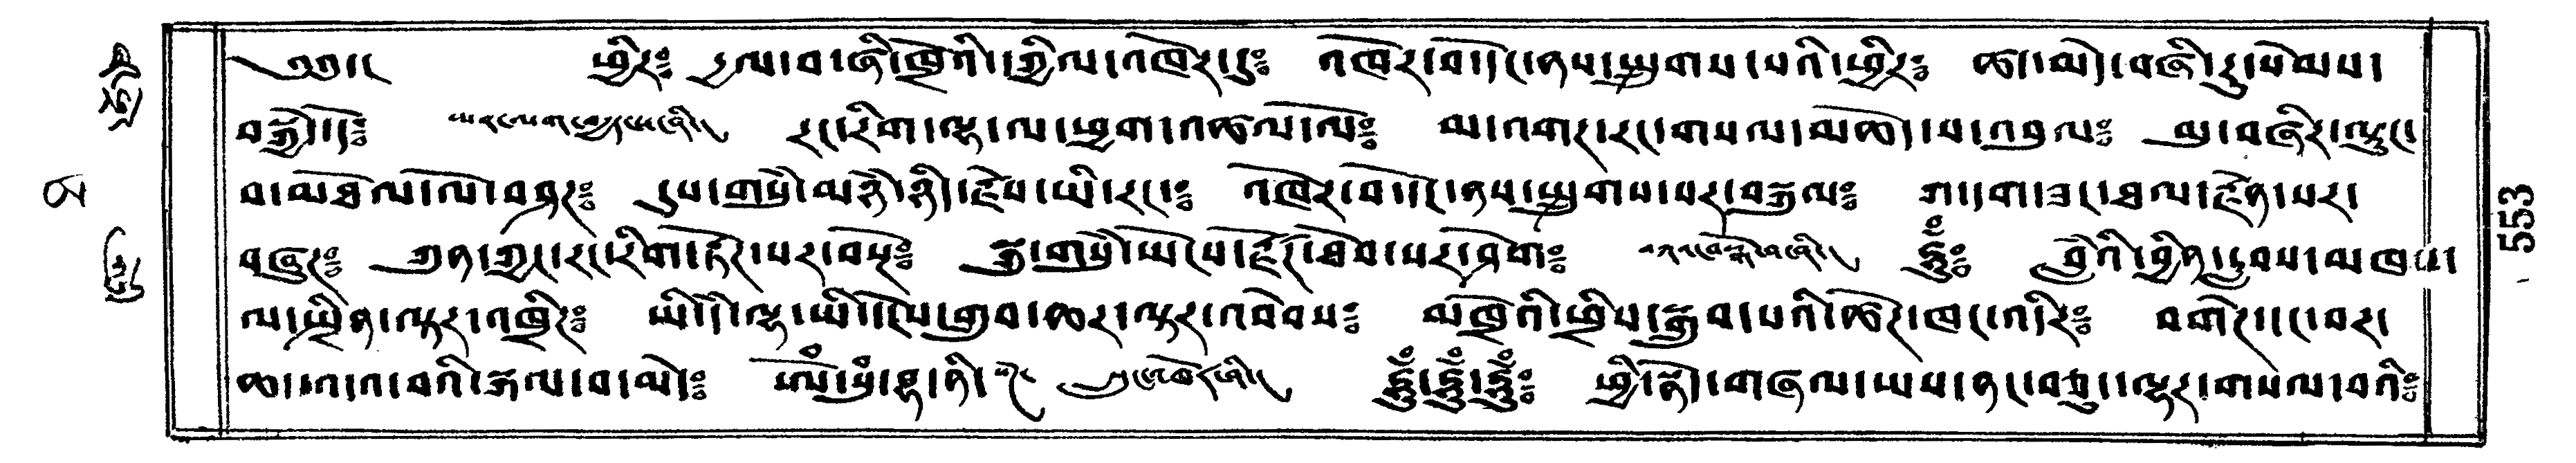ཕྱིར༔ རྒྱལ་བ་ཞི་ཁྲོའི་དཀྱིལ་འཁོར་དུ༔ འཁོར་བ་དོང་ནས་སྤྲུགས་པའི་ཕྱིར༔ ཚད་མེད་བཞི་རུ་སེམས་
བསྐྱེད་དོ༔ཡན་ལག་བརྒྱད་པ་ནི། རང་རིག་ལྷ་ལ་ཕྱག་འཚལ་ལོ༔ མ་འགགས་རང་གསལ་མཆོད་པ་འབུལ༔ མུ་བཞིར་ལྟུང་
བ་མཐོལ་ལོ་བཤགས༔ དུས་གསུམ་མཉམ་ཉིད་རྗེས་ཡི་རང༔ འཁོར་བ་དོང་ནས་སྤྲུགས་པར་བསྐུལ༔ ཀ་དག་ཟང་ཐལ་རྗེན་པར་
བཞུགས༔ ཀུན་ཀྱང་རང་རིག་རྟོགས་པར་བསྔོ༔ སྐུ་གསུམ་ཡོངས་རྫོགས་ཐོབ་པར་ཤོག༔ བཀའ་བསྒོ་བ་ནི། ཧཱུྃ༔ བླ་མའི་བྱིན་རླབས་མཁའ་
ལ་སྤྲིན་ལྟར་འཁྲིགས༔ ཡི་དམ་ལྷ་ཡི་དངོས་གྲུབ་ཆར་ལྟར་འབེབས༔ མཁའ་འགྲོའི་ཕྲིན་ལས་སྒྲུབ་བའི་ཚོགས་ཁང་འདིར༔ བགེགས་དང་བར་
ཆད་འདའ་བའི་སྐལ་བ་མེད༔ ཨོཾ་སུམ་བྷ་ནི༴ སོགས། སྲུང་འཁོར་ནི། ཧཱུྃ་ཧཱུྃ་ཧཱུྃ༔ ཕྱི་སྣོད་གཞལ་ཡས་ནང་བཅུད་ལྷར་གསལ་བའི༔